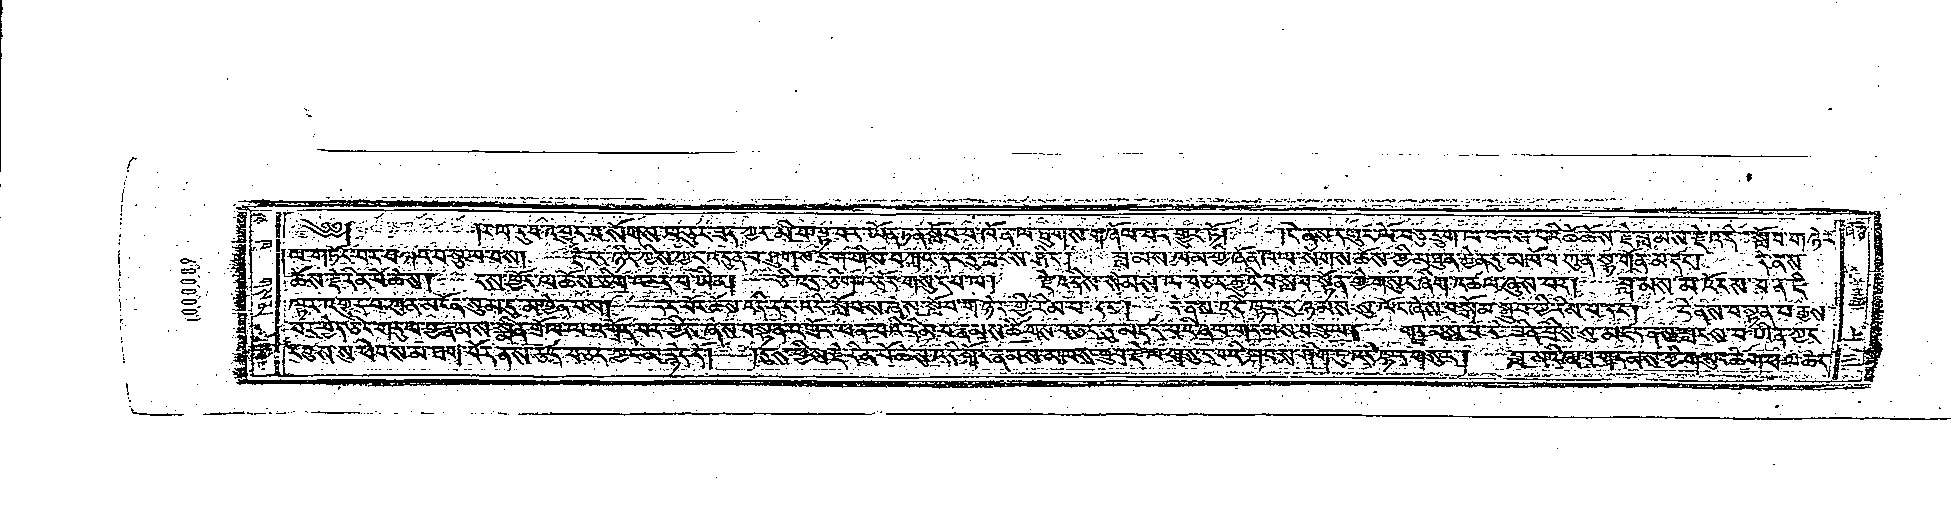༄༅། །ངལ་དུབ་འབྱུང་བ་སོགས་ལ་ཅུང་ཟད་ཀྱང་མི་བལྟ་བར་ཡོན་ཏན་སློབ་བ་ཁོ་ན་ལ་ཐུགས་གཞོལ་བར་གྱུར་ཏོ། །དེ་ནས་དགུང་ལོ་བཅུ་དྲུག་ལ་བབས་པའི་ཚེ་ཆོས་རྗེ་བླ་མས་རྗེ་འདི་སློབ་གཉེར་
ལ་གཏོང་བར་བཀའ་བསྩལ་བས། རྗེ་རང་ཉིད་ཀྱིས་ཀྱང་འདུན་པ་ཤུགས་དྲག་གིས་བཀའ་དང་དུ་བླངས་ཤིང་། བླ་མས་ལམ་གྱི་ཞོན་ཁལ་སོགས་ཆོས་ཀྱི་མཐུན་རྐྱེན་དུ་མཁོ་བ་ཀུན་སྟ་གོན་མཛད། དེ་ནས་
ཆོས་རྗེ་རིན་པོ་ཆེས། ངས་ཁྱོད་ལ་ཆོས་ཅིག་འཆད་པ་ཡིན། ཅི་འདྲ་ཅིག་འདོད་གསུང་བ་ལ། རྗེ་འདིས་སེམས་ལ་བཅད་རྒྱུའི་བསླབ་སྟོན་གྱི་གསུང་ཞིག་འཚལ་ཞུས་པར། བླ་མས་མ་འོངས་པ་ན་ཇི་
ལྟར་འགྱུར་བ་ཀུན་མངོན་སུམ་དུ་མཁྱེན་བས། དང་བོར་ཆོས་འདི་དང་འདི་སློབས་ཞེས་སློབ་གཉེར་གྱི་རིམ་པ་དང་། དེ་ནས་འདི་ལྟར་དུ་ཉམས་སུ་ལོང་ཞེས་བསྒོམ་སྒྲུབ་ཀྱི་རིམ་པ་དང་། དེ་ནས་བསྟན་པ་རྒྱས་
བར་བྱེད་ཅིང་གདུལ་བྱ་རྣམས་སྨིན་གྲོལ་ལ་འགོད་བར་གྱིས་ཞེས་བསྟན་འགྲོར་ཕན་བའི་རིམ་པ་རྣམས་ཚིགས་བཅད་དུ་མཛད་པའི་ཞལ་གདམས་བསྩལ། གདམས་པ་དེ་བྲིན་བྲིས་སུ་མཛད་ནས་བླངས་པ་ཡིན་ཀྱང་
དབུས་སུ་ཕེབས་མ་ཐག་བོར་ནས་རྩད་བ་ཅད་ཀྱང་མྲྙེད་དོ། །དུས་ཕྱིས་རྗེ་རིན་པོ་ཆེས་འདི་སྐོར་རྣམས་མཁས་གྲུབ་རྗེ་ལ་གསུང་བའི་སྐབས་ཤིག་ཏུ་འདི་ལྟར་གསུང་། བླ་མའི་ཞལ་གདམས་ཀྱི་གསུང་ཚིག་ཕལ་ཆེར་